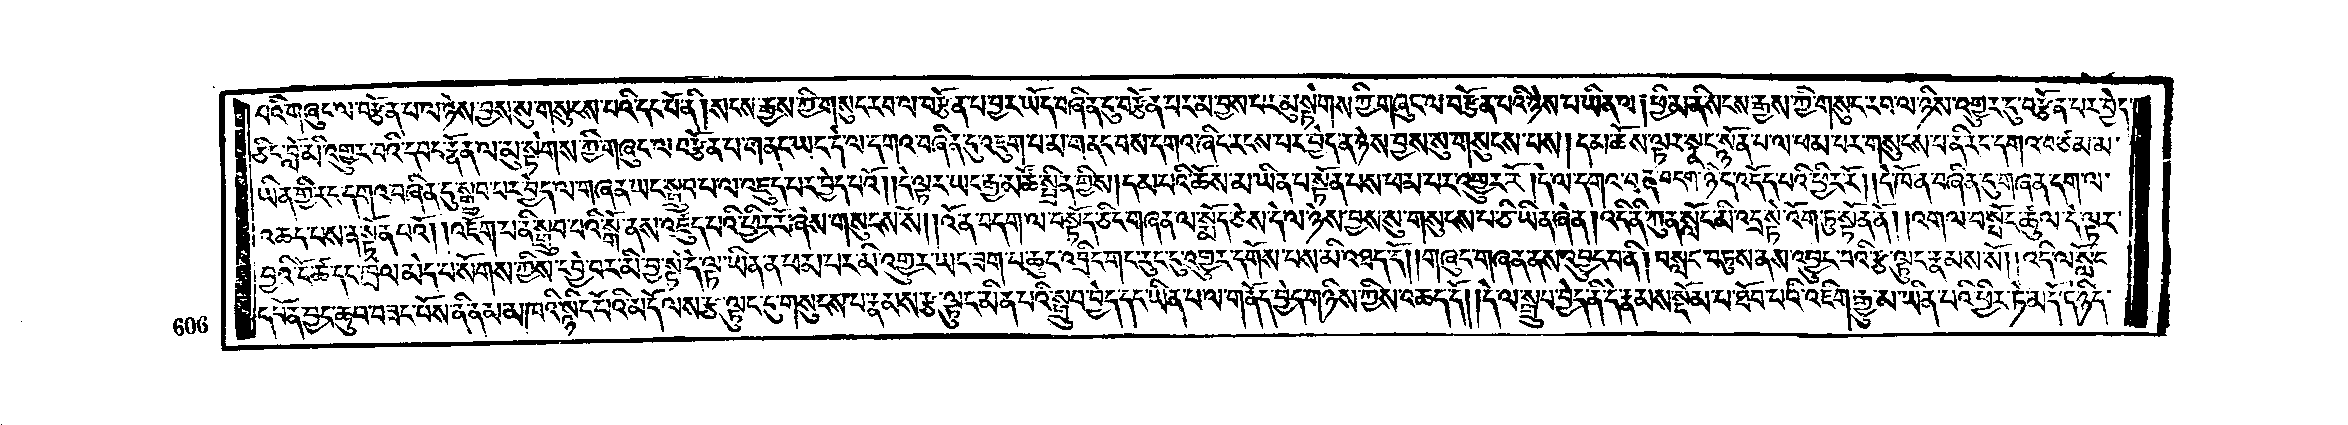བའི་གཞུང་ལ་བརྩོན་པ་ལ་ཉེས་བྱས་སུ་གསུངས་པའི་དང་པོ་ནི། སངས་རྒྱས་ཀྱི་གསུང་རབ་ལ་བརྩོན་པ་བྱར་ཡོད་བཞིན་དུ་བརྩོན་པར་མ་བྱས་པར་མུ་སྟེགས་ཀྱི་གཞུང་ལ་བརྩོན་པའི་ཉེས་པ་ཡིན་ལ། ཕྱི་མ་ནི་སངས་རྒྱས་ཀྱི་གསུང་རབ་ལ་ཉིས་འགྱུར་དུ་བརྩོན་པར་བྱེད་
ཅིང་བློ་མི་འགྱུར་བའི་དབང་རྣོན་ལ་མུ་སྟེགས་ཀྱི་གཞུང་ལ་བརྩོན་པ་གནང་ཡང་དེ་ལ་དགའ་བཞིན་དུ་འཇུག་པ་མ་གནང་བས་དགའ་ཞིང་རངས་པར་བྱེད་ན་ཉེས་བྱས་སུ་གསུངས་པས། དམ་ཆོས་ལྟར་སྣང་སྙོན་པ་ལ་ཕམ་པར་གསུངས་པ་ནི་རང་དགའ་བ་ཙམ་མ་
ཡིན་གྱི་རང་དགའ་བཞིན་དུ་སྒྲུབ་པར་བྱེད་ལ་གཞན་ཡང་སྒྲུབ་པ་ལ་འཇུག་པར་བྱེད་པའོ། །དེ་ལྟར་ཡང་རྒྱ་མཚོ་སྤྲིན་གྱིས། དམ་པའི་ཆོས་མ་ཡིན་པ་སྟོན་པས་ཕམ་པར་འགྱུར་རོ། དེ་ལ་དགའ་བ་ན་བདག་ཉིད་འདོད་པའི་ཕྱིར་རོ། །དེ་ཁོ་ན་བཞིན་དུ་གཞན་དག་ལ་
འཆད་པས་ན་སྟོན་པའོ། །འཇོག་པ་ནི་སྒྲུབ་པའི་སྒོ་ནས་འཛུད་པའི་ཕྱིར་རོ་ཞེས་གསུངས་སོ། །འོ་ན་བདག་ལ་བསྟོད་ཅིང་གཞན་ལ་སྨོད་ཅེས་དེ་ལ་ཉེས་བྱས་སུ་གསུངས་པ་ཅི་ཡིན་ཞེ་ན། འདི་ནི་ཀུན་སློང་མི་འདྲ་སྟེ་འོག་ཏུ་སྟོན་ནོ། །འགལ་བ་སྤོང་ཚུལ་དེ་ལྟར་
བྱའི་ངོ་ཚ་དང་ཁྲེལ་མེད་པ་སོགས་ཀྱིས་དབྱེ་བར་མི་བྱ་སྟེ་དེ་ལྟ་ཡིན་ན་ཕམ་པར་མི་འགྱུར་ཡང་ཟག་པ་ཆུང་འབྲིང་གང་རུང་དུ་འགྱུར་དགོས་པས་མི་འཐད་དོ། །གཞུང་གཞན་ནས་འབྱུང་བ་ནི། བསླང་བཏུས་ནས་འབྱུང་བའི་རྩ་ལྟུང་རྣམས་སོ། །འདི་ལ་སློང་
དཔོན་བྱང་ཆུབ་བཟང་པོས་ནི་ནམ་མཁའི་སྙིང་པོའི་མདོ་ལས་རྩ་ལྟུང་དུ་གསུངས་པ་རྣམས་རྩ་ལྟུང་མིན་པའི་སྒྲུབ་བྱེད་དང་ཡིན་པ་ལ་གནོད་བྱེད་གཉིས་ཀྱིས་འཆད་དོ། །དེ་ལ་སྒྲུབ་པ་བྱེད་ནི་དེ་རྣམས་སྡོམ་པ་ཐོབ་པའི་འཇིག་རྒྱུ་མ་ཡིན་པའི་ཕྱིར་ཏེ་མདོ་དེ་ཉིད་